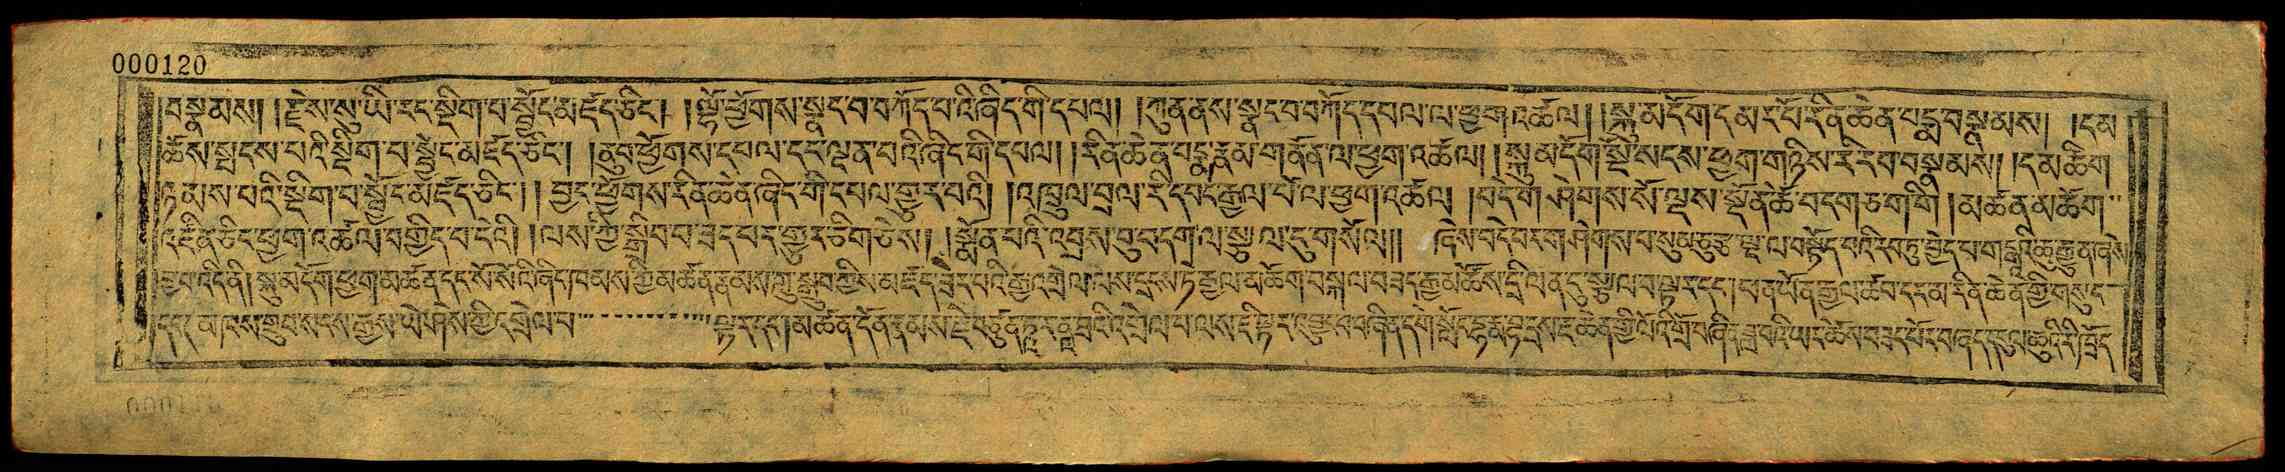བསྣམས། །རྗེས་སུ་ཡི་རང་སྡིག་པ་སྦྱོང་མཛད་ཅིང་། །ལྷོ་ཕྱོགས་སྣང་བ་བཀོད་པའི་ཞིང་གི་དཔལ། །ཀུན་ནས་སྣང་བ་བཀོད་དཔལ་ལ་ཕྱག་འཚལ། །སྐུ་མདོག་དམར་པོ་རིན་ཆེན་པདམ་བསྣམས། །དམ་
ཆོས་སྤངས་པའི་སྡིག་པ་སྦྱོང་མཛད་ཅིང་། །ནུབ་ཕྱོགས་དཔལ་དང་ལྡན་པའི་ཞིང་གི་དཔལ། །རིན་ཆེན་པདམ་རྣམ་གནོན་ལ་ཕྱག་འཚལ། །སྐུ་མདོག་སྔོ་སངས་ཕྱག་གཉིས་རི་རབ་བསྣམས། །དམ་ཚིག་
ཉམས་པའི་སྡིག་པ་སྦྱོང་མཛད་ཅིང་། །བྱང་ཕྱོགས་རིན་ཆེན་ཞིང་གི་དཔལ་གྱུར་པའི། །འཁྲུལ་བྲལ་རི་དབང་རྒྱལ་པོ་ལ་ཕྱག་འཚལ། །བདེ་གཤེགས་སོ་ལྔས་སྔོན་ཚེ་བདག་ཅག་གི། །མཚན་མཆོག་
འཛིན་ཅིང་ཕྱག་འཚལ་བགྱིད་པ་དེའི། །ལས་ཀྱི་སྒྲིབ་པ་ཟད་པར་གྱུར་ཅིག་ཅེས། །སྨོན་པའི་འབྲས་བུ་བདག་ལ་སྩལ་དུ་གསོལ།། ཞེས་བདེ་བར་གཤེགས་པ་སུམ་ཅུ་རྩ་ལྔ་ལ་བསྟོད་པའི་རབ་ཏུ་བྱེད་པ་གངྒཱའི་ཆུ་རྒྱུན་ཞེས་
བྱ་བ་འདི་ནི། །སྐུ་མདོག་ཕྱག་མཚན་དང་སོ་སོའི་ཞིང་ཁམས་ཀྱི་མཚན་རྣམས་ཀླུ་སྒྲུབ་ཀྱིས་མཛད་ཟེར་བའི་རྒྱ་འགྲེལ་ལས་དྲངས་ཏེ་རྒྱལ་མཆོག་བསྐལ་བཟང་རྒྱ་མཚོས་དྲི་ལན་དུ་སྩལ་བ་ལྟར་དང་། ཕན་ཡོན་རྒྱལ་ཚབ་དར་མ་རིན་ཆེན་གྱི་གསུང་
དང་། མཁས་གྲུབ་སངས་རྒྱས་ཡེ་ཤེས་ཀྱི་འགྲེལ་པ་ལྟར་དང་། མཚན་དོན་རྣམས་རྗེ་བཙུན་ཏཱ་རནཱ་ཐའི་འགྲེལ་པ་ལས་ཇི་ལྟར་འབྱུང་བ་བཞིན་དགེ་སློང་དྷ་རྨ་བྷ་དྲས་རྔ་ཆེན་གྱི་ལོའི་གྲོ་བཞིན་ཟླ་བའི་ཡར་ཚེས་བཟང་པོར་བཞད་དངུལ་ཆུའི་རི་ཁྲོང་